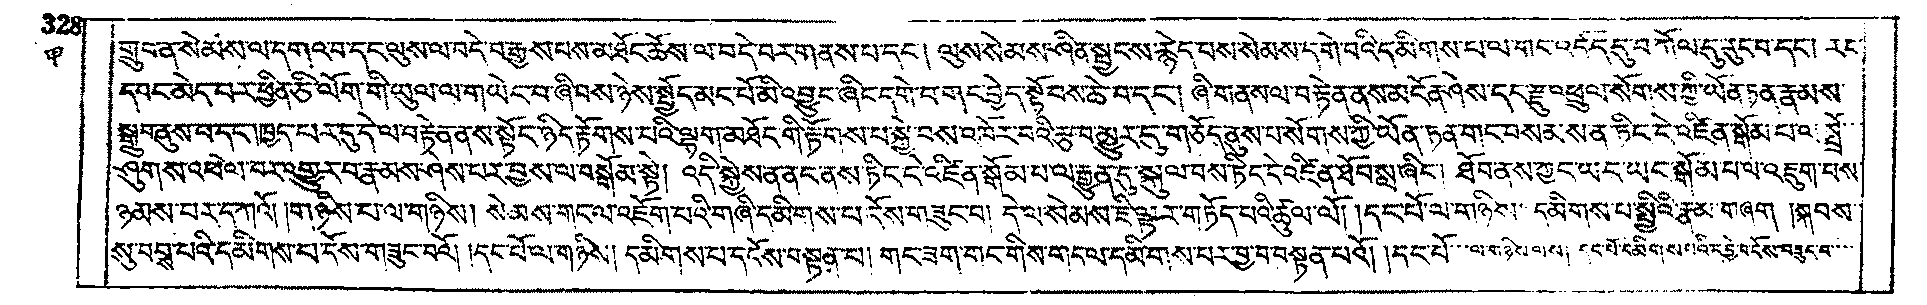གྲུབ་ན་སེམས་ལ་དགའ་བ་དང་ལུས་ལ་བདེ་བ་རྒྱས་པས་མཐོང་ཆོས་ལ་བདེ་བར་གནས་པ་དང་། ལུས་སེམས་ཤིན་སྦྱངས་རྙེད་པས་སེམས་དགེ་བའི་དམིགས་པ་ལ་གང་འདོད་དུ་བཀོལ་དུ་རུང་བ་དང་། རང་
དབང་མེད་པར་ཕྱིན་ཅི་ལོག་གི་ཡུལ་ལ་གཡེང་བ་ཞི་པས་ཉེས་སྤྱོད་མང་པོ་མི་འབྱུང་ཞིང་དགེ་བ་གང་བྱེད་སྟོབས་ཆེ་བ་དང་། ཞི་གནས་ལ་བརྟེན་ནས་མངོན་ཤེས་དང་རྫུ་འཕྲུལ་སོགས་ཀྱི་ཡོན་ཏན་རྣམས་
སྒྲུབ་ནུས་པ་དང་། ཁྱད་པར་དུ་དེ་ལ་བརྟེན་ནས་སྟོང་ཉིད་རྟོགས་པའི་ལྷག་མཐོང་གི་རྟོགས་པ་སྐྱེ་བས་འཁོར་བའི་རྩ་བ་མྱུར་དུ་གཅོད་ནུས་པ་སོགས་ཀྱི་ཡོན་ཏན་གང་བསམས་ན་ཏིང་ངེ་འཛིན་སྒོམ་པ་ལ་སྤྲོ་
ཤུགས་འཕེལ་བར་འགྱུར་བ་རྣམས་ཤེས་པར་བྱས་ལ་བསྒོམ་སྟེ། འདི་སྐྱེས་ན་ནང་ནས་ཏིང་ངེ་འཛིན་སྒོམ་པ་ལ་རྒྱུན་དུ་སྐུལ་བས་ཏིང་ངེ་འཛིན་ཐོབ་སླ་ཞིང་། ཐོབ་ནས་ཀྱང་ཡང་སྒོམ་པ་ལ་འཇུག་པས་
ཉམས་པར་དཀའོ། །གཉིས་པ་ལ་གཉིས། སེམས་གང་ལ་འཇོག་པའི་གཞི་དམིགས་པ་ངོས་གཟུང་བ། དེ་ལ་སེམས་ཇི་ལྟར་གཏོད་པའི་ཚུལ་ལོ། །དང་པོ་ལ་གཉིས། དམིགས་པ་སྤྱིའི་རྣམ་གཞག །སྐབས་
སུ་བབས་པའི་དམིགས་པ་ངོས་གཟུང་བའོ། །དང་པོ་ལ་གཉིས། དམིགས་པ་དངོས་བསྟན་པ། གང་ཟག་གང་གིས་གང་ལ་དམིགས་པར་བྱ་བ་བསྟན་པའོ། །དང་པོལ་གཉིས་ལས། དང་པོ་དམིགས་པའི་དབྱེ་བ་ངོས་བཟུང་བ